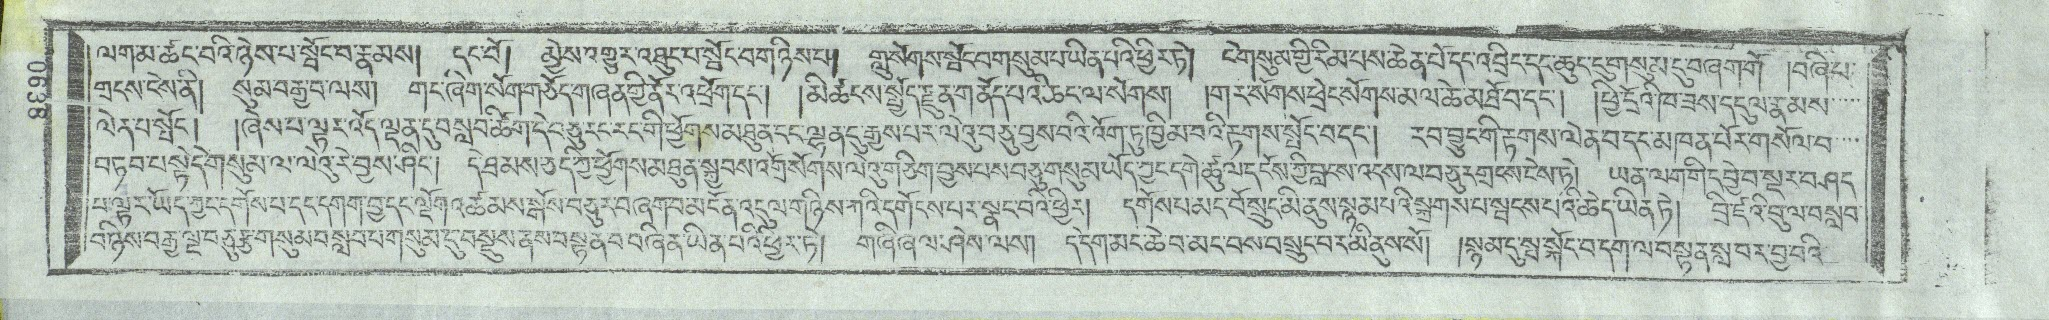ལག་མ་ཚང་བའི་ཉེས་པ་སྤོང་བ་རྣམས། དང་པོ། མྱོས་འགྱུར་འཐུང་པ་སྤོང་བ་གཉིས་པ། གླུ་སོགས་སྤོང་བ་གསུམ་པ་ཡིན་པའི་ཕྱིར་ཏེ། དེ་གསུམ་གྱི་རིམ་པས་ཆེན་པོ་དང་འབྲིང་དང་ཆུང་ངུ་གསུམ་དུ་བཞག་གོ །བཞི་པ་
གྲངས་ངེས་ནི། སུམ་བརྒྱ་བ་ལས། གང་ཞིག་སོག་གཅོད་གཞན་གྱི་ནོར་འཕྲོག་དང་། །མི་ཚངས་སྤྱོད་རྫུན་གནོད་པའི་ཆང་ལ་སོགས། །གར་སོགས་ཕྲེང་སོགས་མལ་ཆེ་མཐོ་བ་དང་། །ཕྱི་དྲོའི་ཁ་ཟས་དངུལ་རྣམས་
ལེན་པ་སྤོང་། །ཞེས་པ་ལྟར་འོད་ལྡན་དུ་བསླབ་ཚིག་དེ་བཅུ་རང་རང་གི་ཕྱོགས་མཐུན་དང་ལྷན་དུ་རྒྱས་པར་ལེའུ་བཅུ་བྱས་པའི་འོག་ཏུ་ཁྱིམ་པའི་རྟགས་སྤོང་བ་དང་། རབ་བྱུང་གི་རྟགས་ལེན་པ་དང་མཁན་པོར་གསོལ་བ་
བཏབ་པ་སྟེ་དེ་གསུམ་ལ་ལེའུ་རེ་བྱས་ཤིང་། དེ་ཐམས་ཅད་ཀྱི་ཕྱོགས་མཐུན་སྐྱབས་འགྲོ་སོགས་ལེའུ་གཅིག་བྱས་པས་བཅུ་གསུམ་ཡོད་ཀྱང་དགེ་ཚུལ་དངོས་ཀྱི་བླངས་འདས་ལ་བཅུར་གྲངས་ངེས་ཏེ། ཡན་ལག་གི་དབྱེ་བ་སྔར་བཤད་
པ་ལྟར་ཡོད་ཀྱང་དགོས་པ་དང་དགག་བྱ་དང་ལྡོག་འཚམས་སྒོས་བཅུར་བཞག་པ་མངོན་འདུལ་གཉིས་ཀའི་དགོངས་པར་སྣང་བའི་ཕྱིར། དགོས་པ་མང་པོ་སྲུང་མི་ནུས་སྙམ་པའི་སྐྲགས་པ་སྤངས་པའི་ཆེད་ཡིན་ཏེ། བྲི་ཛའི་བུ་ལ་བསླབ་
པ་ཉིས་བརྒྱ་ལྔ་བཅུ་རྩ་གསུམ་བསླབ་པ་གསུམ་དུ་བསྡུས་ནས་བསྟན་པ་བཞིན་ཡིན་པའི་ཕྱིར་ཏེ། གཞི་ཞལ་ཤེས་ལས། དེ་དག་མང་ཆེ་བ་མང་པས་བསྲུང་བར་མི་ནུས་སོ། །སྙམ་དུ་སྤ་སྐོང་བ་དག་ལ་བསྟན་སླ་བར་བྱ་བའི་